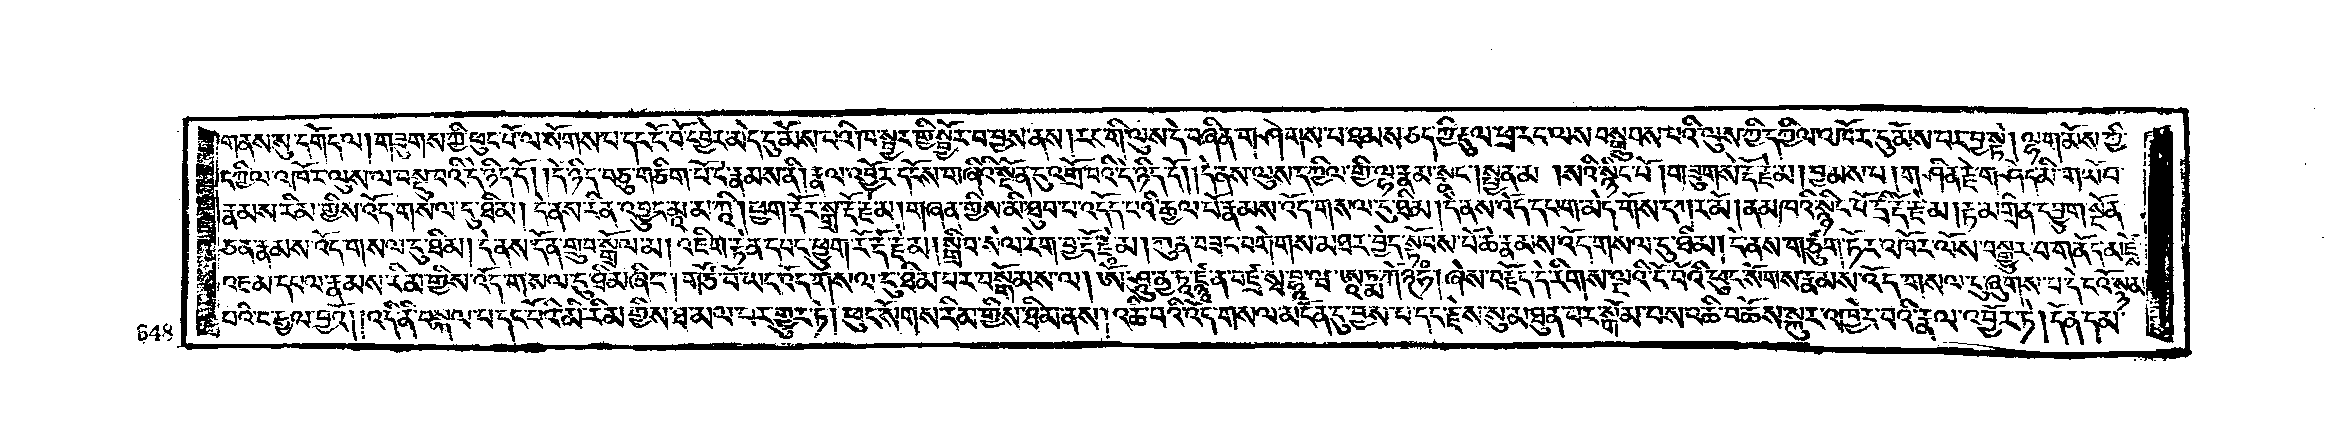གནས་སུ་དགོད་ལ། གཟུགས་ཀྱི་ཕུང་པོ་ལ་སོགས་པ་དང་ངོ་བོ་དབྱེར་མེད་དུ་མོས་པའི་ཁ་སྦྱར་གྱི་སྦྱོར་བ་བྱས་ནས། རང་གི་ལུས་དེ་བཞིན་གཤེགས་པ་ཐམས་ཅད་ཀྱི་རྡུལ་ཕྲ་རབ་ལས་བསྒྲུབས་པའི་ལུས་ཀྱི་དཀྱིལ་འཁོར་དུ་མོས་པར་བྱ་སྟེ། ལྷག་མོས་ཀྱི་
དཀྱིལ་འཁོར་ལུས་ལ་བསྡུ་བའི་དེ་ཉིད་དོ། །དེ་ཉིད་བཅུ་གཅིག་པོ་དེ་རྣམས་ནི། རྣལ་འབྱོར་དངོས་གཞིའི་སྔོན་དུ་འགྲོ་བའི་དེ་ཉིད་དོ། །དེ་ནས་ལུས་དཀྱིལ་གྱི་ལྷ་རྣམ་སྣང་། སྤྱན་མ། སའི་སྙིང་པོ། གཟུགས་རྡོ་རྗེ་མ། བྱམས་པ། གཤིན་རྗེ་གཤེད་མི་གཡོ་བ་
རྣམས་རིམ་གྱིས་འོད་གསལ་དུ་ཐིམ། དེ་ནས་རིན་འབྱུང་མཱ་མ་ཀཱི། ཕྱག་རྡོར་སྒྲ་རྡོ་རྗེ་མ། གཞན་གྱིས་མི་ཐུབ་པ་འདོད་པའི་རྒྱལ་པོ་རྣམས་འོད་གསལ་དུ་ཐིམ། དེ་ནས་འོད་དཔག་མེད་གོས་དཀར་མོ། ནམ་མཁའི་སྙིང་པོ་དྲི་རྡོ་རྗེ་མ། རྟ་མགྲིན་དབྱུག་སྔོན་
ཅན་རྣམས་འོད་གསལ་དུ་ཐིམ། དེ་ནས་དོན་གྲུབ་སྒྲོལ་མ། འཇིག་རྟེན་དབང་ཕྱུག་རོ་རྡོ་རྗེ་མ། སྒྲིབ་སེལ་རེག་བྱ་རྡོ་རྗེ་མ། ཀུན་བཟང་བགེགས་མཐར་བྱེད་སྟོབས་པོ་ཆེ་རྣམས་འོད་གསལ་དུ་ཐིམ། དེ་ནས་གཙུག་ཏོར་འཁོར་ལོས་བསྒྱུར་བ་གནོད་མཛེས་
འཇམ་དཔལ་རྣམས་རིམ་གྱིས་འོད་གསལ་དུ་ཐིམ་ཞིང་། གཙོ་བོ་ཡང་འོད་གསལ་དུ་ཐིམ་པར་བསྒོམས་ལ། ཨོཾ་ཤཱུ་ནྱ་ཏཱ་ཛྙཱ་ན་བཛྲ་སྭ་བྷཱ་ཝ་ཨཱཏྨ་ཀོན་ཡཧཾ། ཞེས་བརྗོད་དེ་རིགས་ལྔའི་ངོ་བོའི་ཕུང་སོགས་རྣམས་འོད་གསལ་དུ་ཞུགས་པ་དེ་ངའོ་སྙམ་
པའི་ང་རྒྱལ་བྱའོ། །འདི་ནི་བསྐལ་པ་དང་པོའི་མི་རིམ་གྱིས་ཐ་མལ་པར་གྱུར་ཏེ། ཕུང་སོགས་རིམ་གྱིས་ཐིམ་ནས། འཆི་བའི་འོད་གསལ་མངོན་དུ་བྱས་པ་དང་རྗེས་སུ་མཐུན་པར་སྒོམ་པས་འཆི་བ་ཆོས་སྐུར་འཁྱེར་བའི་རྣལ་འབྱོར་ཏེ། དོན་དམ་